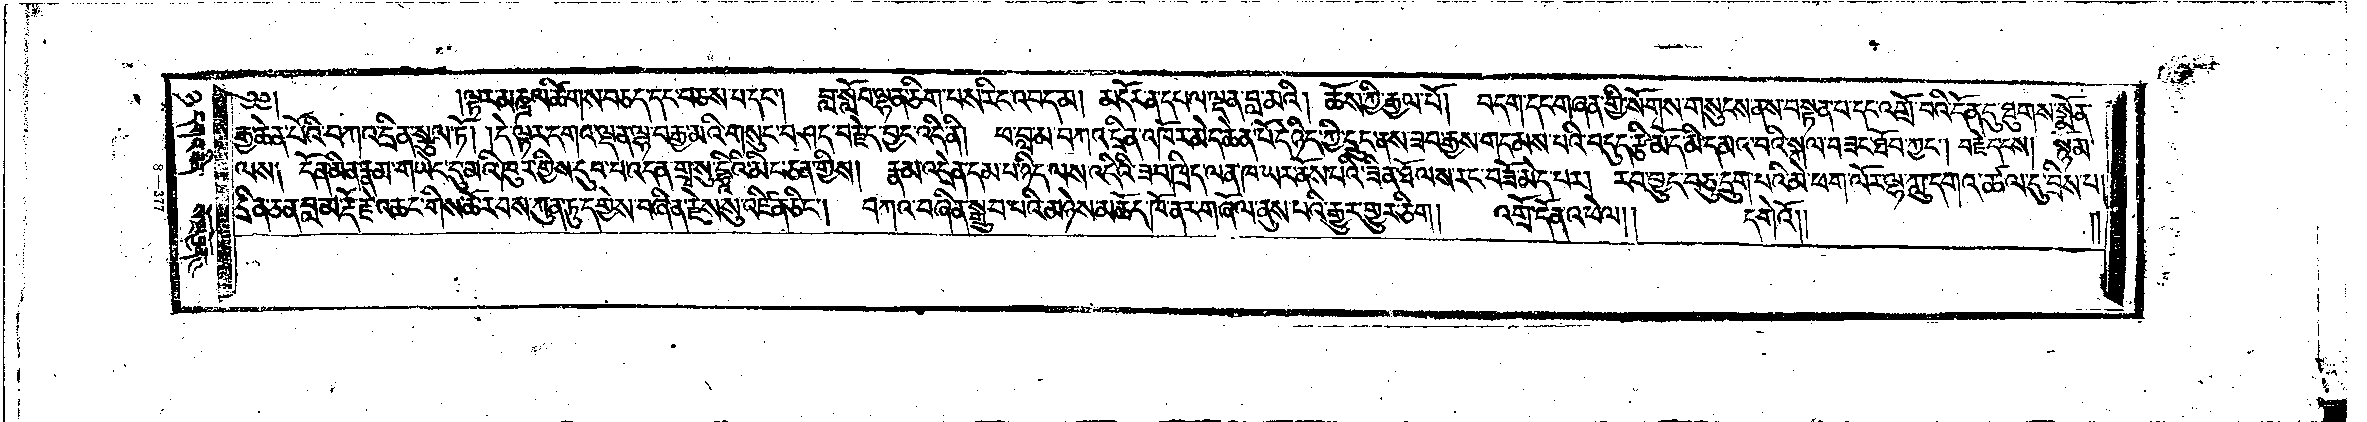༄༅། །ལྟར་མཎྜལ་ཚིགས་བཅད་དང་བཅས་པ་དང་། བླ་སློབ་ལྷན་ཅིག་པས་རིང་འབད་མ། མདོར་ན་དཔལ་ལྡན་བླ་མའི། ཆོས་ཀྱི་རྒྱལ་པོ། བདག་དང་གཞན་གྱི་སོགས་གསུངས་ནས་བསྟན་པ་དང་འགྲོ་བའི་དོན་དུ་ཐུགས་སྨོན་
རྒྱ་ཆེན་པོའི་བཀའ་དྲིན་སྩལ་ཏོ། །དེ་ལྟར་དགའ་ལྡན་ལྷ་བརྒྱ་མའི་གསུང་བཤད་བརྗེད་བྱང་འདི་ནི། ཕ་བླ་མ་བཀའ་དྲིན་འཁོར་མེད་ཆེན་པོ་དེ་ཉིད་ཀྱི་དྲུང་ནས་ཟབ་རྒྱས་གདམས་པའི་བདུད་རྩི་མོད་མི་དམའ་བའི་སྐལ་བཟང་ཐོབ་ཀྱང་། རྨོངས་རྟུལ། སྙོམ་
ལས། དོན་མིན་རྣམ་གཡེང་དུ་མའི་ཁུར་གྱིས་དུབ་པ་འདན་གྲྭ་སུ་དྷིའི་མིང་ཅན་གྱིས། རྣམ་འདྲེན་དམ་པ་ཉིད་ལས་འདིའི་ཟབ་ཁྲིད་ལན་ཁ་ཡར་ནོས་པའི་ཟིན་ཐོ་ལས་རང་བཟོ་མེད་པར། རབ་བྱུང་བཅུ་དྲུག་པའི་མེ་ཕག་ལོར་ལྷ་ཀླུ་དགའ་ཚལ་དུ་བྲིས་པ།
དྲིན་ཅན་བླ་མ་རྡོ་རྗེ་འཆང་གིས་ཚེ་རབས་ཀུན་ཏུ་དགྱེས་བཞིན་འྲྗེས་སུ་འཛིན་ཅིང་། བཀའ་བཞིན་སྒྲུབ་པའི་མཉེས་མཆོད་ཁོ་ནར་གཞོལ་ནུས་པའི་རྒྱུར་གྱུར་ཅིག། འགྲོ་དོན་འཕེལ།། དགེའོ།། །།